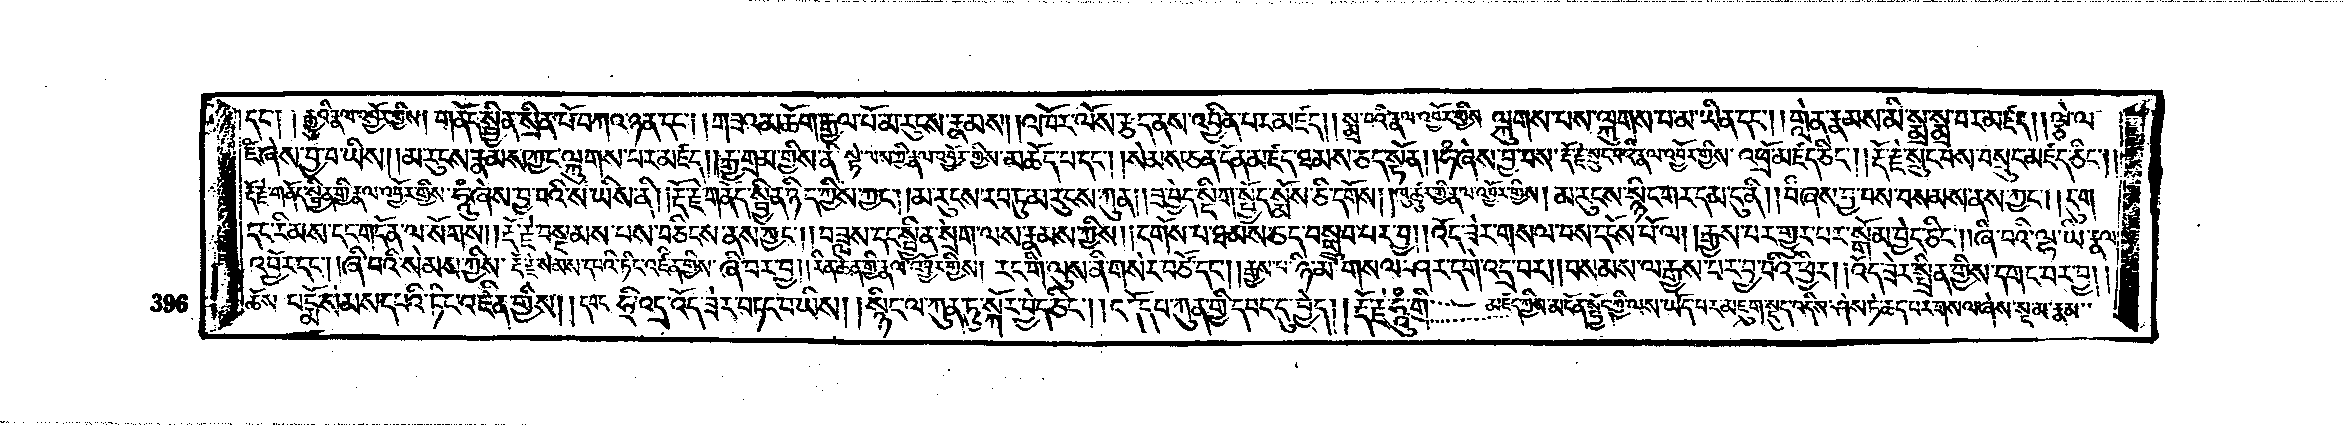དང་། །རྒྱུའི་རྣལ་འབྱོར་གྱིས།  གནོད་སྦྱིན་སྲིན་པོ་བཀའ་ཉན་དང་། །གཟའ་མཆོག་རྒྱལ་པོ་མ་རུངས་རྣམས། །འཁོར་ལོས་རྩད་ནས་འབྱིན་པར་མཛད། ། སྨྲ་བའི་རྣལ་འབྱོར་གྱིས་ལྐུགས་པས་ལྐུགས་པ་མ་ཡིན་དང་། །གླེན་རྣམས་མི་སྨྲ་སྨྲ་བར་མཛད། །ལྕེ་ལ་
ཛཾ་ཞེས་བྱ་བ་ཡིས། །མ་རུངས་རྣམས་ཀྱང་ལྐུགས་པར་མཛད། །རྒྱ་གྲམ་གྱིས་ནི་སྟེ་ལས་ཀྱི་རྣལ་འབྱོར་གྱིས་མཆོད་པ་དང་། །སེམས་ཅན་དོན་མཛད་ཐམས་ཅད་སྟོན། །ཧཾ་ཞེས་བྱ་བས་རྡོ་རྗེ་སྲུང་བའི་རྣལ་འབྱོར་གྱིས་འཕྲོ་མཛད་ཅིང་། །རྡོ་རྗེ་སྲུང་བས་བསྲུང་མཛད་ཅིང་། །
རྡོ་རྗེ་གནོད་སྦྱིན་གྱི་རྣལ་འབྱོར་གྱིས་ཧཱུཾ་ཞེས་བྱ་བའི་ས་ཡིས་ནི། །རྡོ་རྗེ་གནོད་སྦྱིན་ཉིད་ཀྱིས་ཀྱང་། །མ་རུངས་རབ་ཏུ་མ་རུངས་ཀུན། །ཟ་བྱེད་སྡིག་སྤྱོད་སྨོས་ཅི་དགོས། ། ཁུ་ཚུར་གྱི་རྣལ་འབྱོར་གྱིས།  མ་རུངས་སྙིང་གར་དམ་དུ་ནི། །བཾ་ཞེས་བྱ་བས་བསམས་ནས་ཀྱང་། །དུག་
དང་རིམས་དང་གདོན་ལ་སོགས། །རྡོ་རྗེ་བསྡམས་པས་བཅིངས་ནས་ཀྱང་། །བཟླས་དང་སྦྱིན་སྲེག་ལས་རྣམས་ཀྱིས། །དགོས་པ་ཐམས་ཅད་བསྒྲུབ་པར་བྱ། །འོད་ཟེར་གསལ་བས་དངོས་པོ་ལ། །རྒྱས་པར་གྱུར་པར་སྒོམ་བྱེད་ཅིང་། །ཞི་བའི་ལྷ་ཡི་རྣལ་
འབྱོར་དང་། །ཞི་བའི་སེམས་ཀྱིས་རྡོ་རྗེ་སེམས་དཔའི་ཏིང་འཛིན་གྱིས་ཞི་བར་བྱ། ། རིན་ཆེན་གྱི་རྣལ་འབྱོར་གྱིས།  རང་གི་ལུས་ནི་གསེར་བཙོ་དང་། ། རྒྱས་པ་ཉི་མ་གསལ་ཤར་དགེ་འདྲ་བར། །བསམས་ལ་རྒྱས་པར་བྱ་བའི་ཕྱིར། །འོད་ཟེར་སྤྲིན་གྱིས་དགང་བར་བྱ། །
ཆོས་པདམོ་སེམས་དཔའི་ཏིང་འཛིན་གྱིས། ། དབང་ཧྲི་འདྲ་འོད་ཟེར་བཏང་བ་ཡིས། །སྙིང་ལ་ཀུན་ཏུ་སྐོར་བྱེད་ཅིང་། །འདོད་པ་ཀུན་གྱི་དབང་དུ་བྱེད། །རྡོ་རྗེ་ཧཱུཾ་གི་མཛད་ཀྱིས་མངོན་སྤྱོད་ཀྱི་ལས་ཡོད་པར་མཇུག་སྡུད་འདིས་ཤེས་ཏེ་ཆད་པར་གསལ་ཞེས་སྔ་མ་རྣམ་